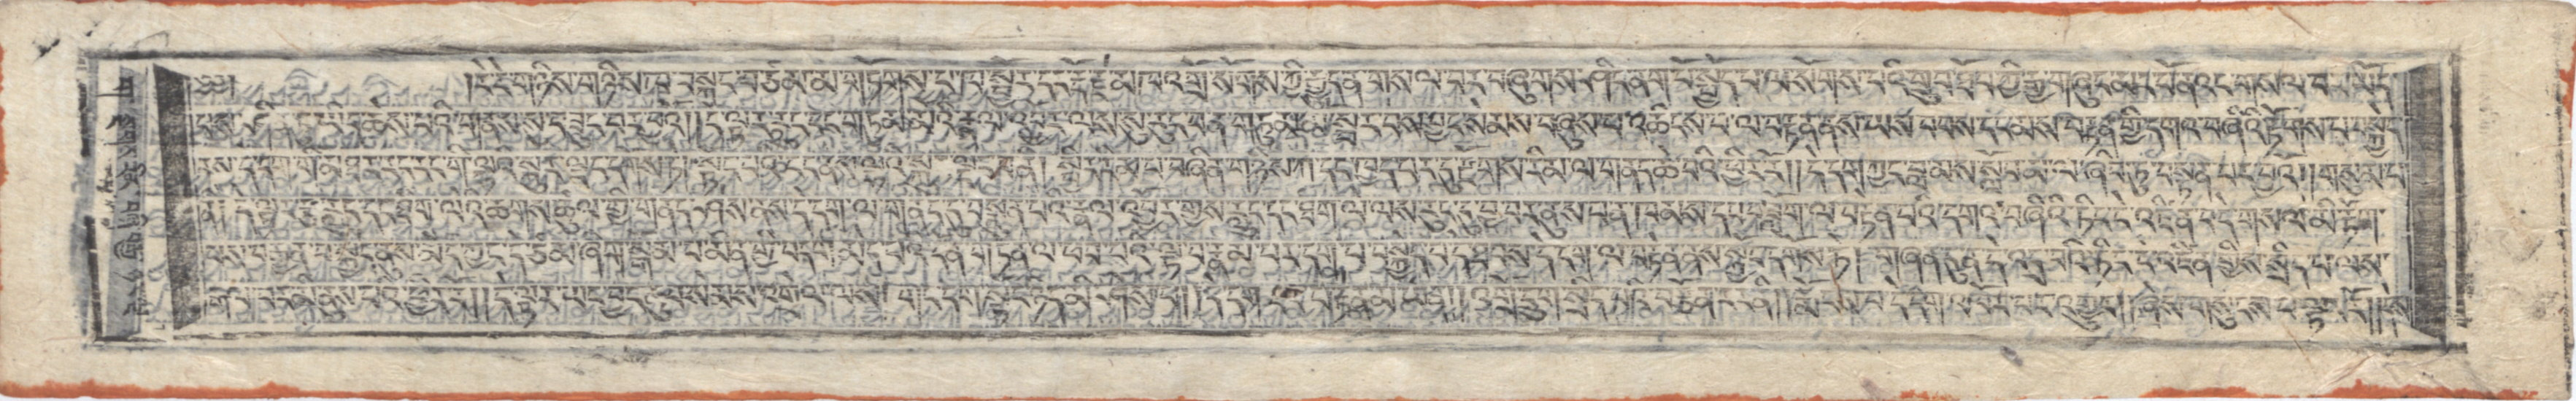༄༅། །རེ་རེ་གཉིས་གཉིས་ཁ་བསྐང་བ་ཙམ་མ་གཏོགས་པ་ཁ་སྦྱོར་དང་རྡོ་རྗེ་མཁའ་འགྲོ་སོགས་ཀྱི་རྒྱུད་ན་གསལ་བར་བཞུགས་ཤིང་ནག་པོ་སྤྱོད་པ་ལ་སོགས་པའི་གྲུབ་ཐོབ་ཀྱི་རྒྱ་གཞུང་མང་པོ་ནའང་གསལ་བར་ཡོད་
པས་ཤིན་ཏུ་ཡིད་ཆེས་པའི་གནས་སུ་བཟུང་བར་བྱའོ། །དེ་ལྟར་རླུང་དང་གཏུམ་མོའི་རྣལ་འབྱོར་ལས་སུ་རུང་བ་ན་གཏུམ་མོ་སྦར་བས་བྱང་སེམས་བཞུས་པ་འཆིངས་པ་ལ་བརྟན་ནས་ཡས་བབས་དང་མས་བརྟན་གྱི་དགའ་བཞིའི་རྟོགས་པ་བསྐྱེད་
ནས་དེ་དག་གི་མཐར་རང་རང་གི་ལྷའི་སྐུར་ལྡང་དགོས་ཏེ། སྟོང་པའི་ངང་ནས་ལྷའི་སྐུར་ལྡང་བ་ནི། སྤྱིར་རིམ་པ་བཞིན་གཉིས་ཀ་དང་ཁྱད་པར་དུ་རྫོགས་རིམ་ལ་གནད་ཆེ་བའི་ཕྱིར་རོ། །དེ་དག་ཀྱང་བླ་མས་སློབ་མ་ལ་ཞིབ་ཏུ་བསྟན་པར་བྱའོ། །གསུམ་པ་
ནི། དེ་ལྟར་རྩ་རླུང་དང་ཐིག་ལེའི་ཆགས་ཚུལ་གྱི་གནད་ཤེས་ནས་དེ་དག་ལ་གནད་དུ་བསྣུན་པའི་རྣལ་འབྱོར་གྱིས་རླུང་དང་ཐིག་ལེ་ལས་རུང་དུ་བྱ་བར་ནུས་པ་ན་ཁམས་དང་བཟློག་ལ་བརྟེན་པའི་དགའ་བཞིའི་ཏིང་ངེ་འཛིན་བདེ་གསལ་མི་རྟོག་
པས་བརྒྱན་པ་སྐྱེད་ནུས་མོད་ཀྱང་དེ་ཙམ་ཞིག་སྒོམ་པ་མིན་གྱི་བདག་མེད་པའི་དོན་གཏན་ལ་ཕབ་པའི་ལྟ་བ་རྣམ་པར་དག་པ་བསྐྱེད་པ་དེ་ཐབས་དེ་དག་ལ་བརྟེན་ནས་སྐྱོང་དགོས་ཏེ། གཞན་དུ་ན་དེ་འདྲ་བའི་ཏིང་ངེ་འཛིན་གྱིས་སྲིད་པ་ལས་
རྒལ་བར་མི་ནུས་པའི་ཕྱིར་རོ། །དེ་ལྟར་ཡང་བྱང་ཆུབ་སེམས་འགྲེལ་ལས། གང་དག་སྟོང་ཉིད་མི་ཤེས་པ། །དེ་དག་ཐར་པ་རྟེན་མ་ཡིན། །འགྲོ་དྲུག་སྲིད་པའི་བརྩོན་རར་ནི། །རྨོངས་པ་དེ་དག་འཁོར་བར་འགྱུར། །ཞེས་གསུངས་པ་ལྟར་རོ། །དེ་